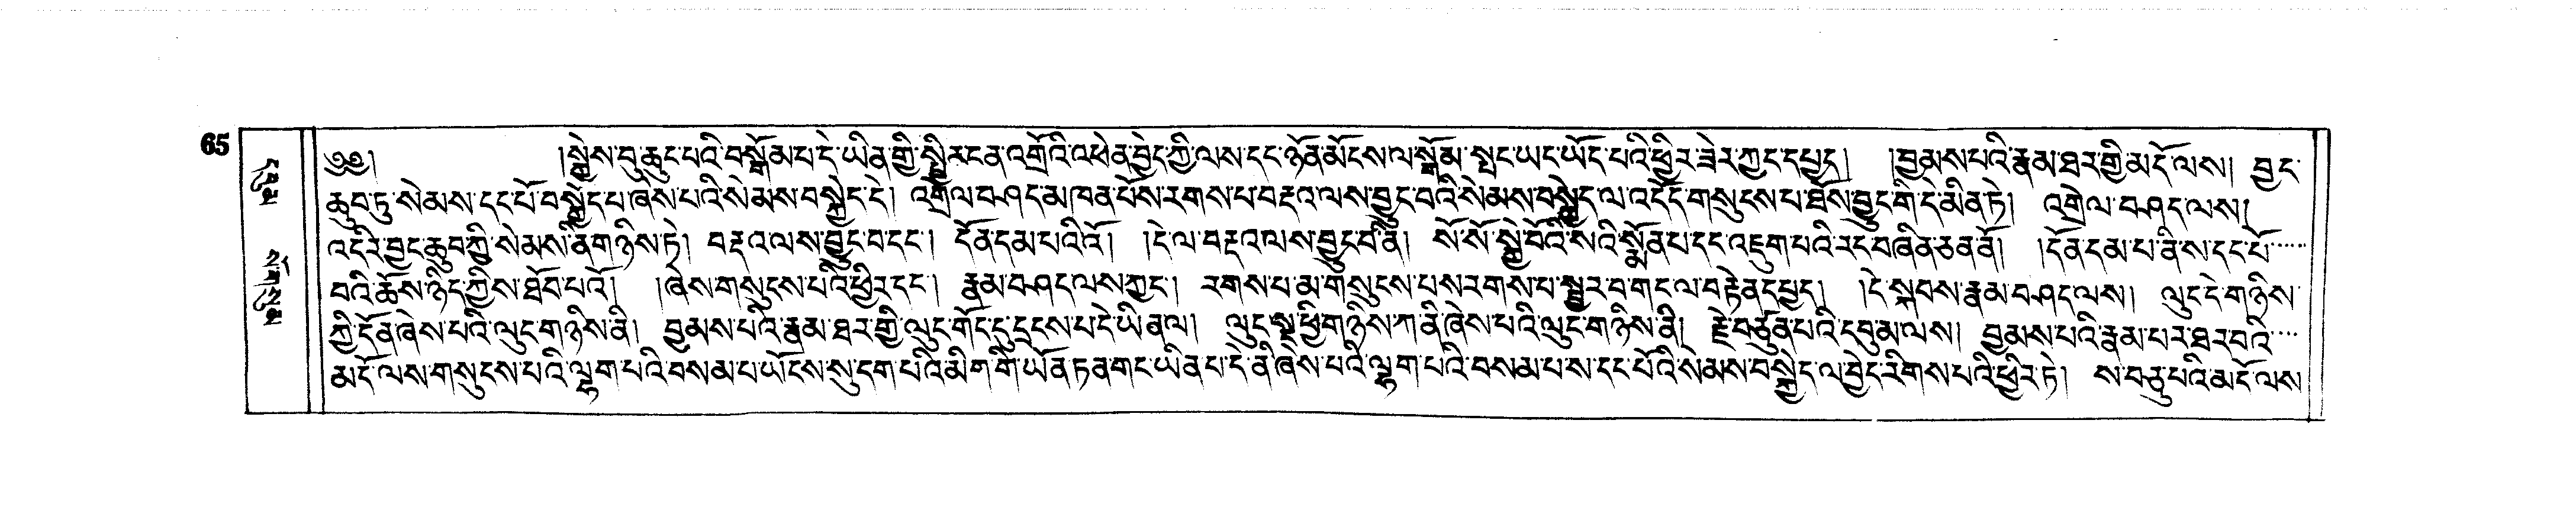༄༅། །སྐྱེས་བུ་ཆུང་པའི་བསྒོམ་པ་དེ་ཡིན་གྱི་སྤྱིར་ངན་འགྲོའི་འཕེན་བྱེད་ཀྱི་ལས་དང་ཉོན་མོངས་ལ་སྒོམ་སྤང་ཡང་ཡོད་པའི་ཕྱིར་ཟེར་ཀྱང་དཔྱད། །བྱམས་པའི་རྣམ་ཐར་གྱི་མདོ་ལས། བྱང་
ཆུབ་ཏུ་སེམས་དང་པོ་བསྐྱོད་པ་ཞེས་པའི་སེམས་བསྐྱེད་དེ། འགྲོལ་བཤད་མཁན་པོས་རགས་པ་བརྡའ་ལས་བྱུང་བའི་སེམས་བསྐྱེད་ལ་འདོད་གསུངས་པ་ཐོས་བྱུང་གི་དེ་མིན་ཏེ། འགྲེལ་བཤད་ལས།
འདིར་བྱང་ཆུབ་ཀྱི་སེམས་ནི་གཉིས་ཏེ། བརྡའ་ལས་བྱུང་བ་དང་། དོན་དམ་པའི་འོ། །དེ་ལ་བརྡའ་ལས་བྱུང་བ་ནི། སོ་སོ་སྐྱེ་བོའི་སའི་སྨོན་པ་དང་འཇུག་པའི་རང་བཞིན་ཅན་ནོ། །དོན་དམ་པ་ནི་ས་དང་པོ་
བའི་ཆོས་ཉིད་ཀྱིས་ཐོབ་པའོ། །ཞེས་གསུངས་པའི་ཕྱིར་དང་། རྣམ་བཤད་ལས་ཀྱང་། རགས་པ་མ་གསུངས་པས་རགས་པ་སྦྱར་བ་གང་ལ་བརྟེན་དཔྱད། །དེ་སྐབས་རྣམ་བཤད་ལས། ལུང་དེ་གཉིས་
ཀྱི་དོན་ཞེས་པའི་ལུང་གཉིས་ནི། བྱམས་པའི་རྣམ་ཐར་གྱི་ལུང་གོང་དུ་དྲངས་པ་དེ་ཡིན་ལ། ལུང་སྔ་ཕྱི་གཉིས་ཀ་ནི་ཞེས་པའི་ལུང་གཉིས་ནི། རྗེ་བཙུན་པའི་དབུ་མ་ལས། བྱམས་པའི་རྣམ་པར་ཐར་བའི་
མདོ་ལས་གསུངས་པའི་ལྷག་པའི་བསམ་པ་ཡོངས་སུ་དག་པའི་མིག་གི་ཡོན་ཏན་གང་ཡིན་པ་དེ་ནི་ཞེས་པའི་ལྷག་པའི་བསམ་པ་ས་དང་པོའི་སེམས་བསྐྱེད་ལ་བྱེད་རིགས་པའི་ཕྱིར་ཏེ། ས་བཅུ་པའི་མདོ་ལས་